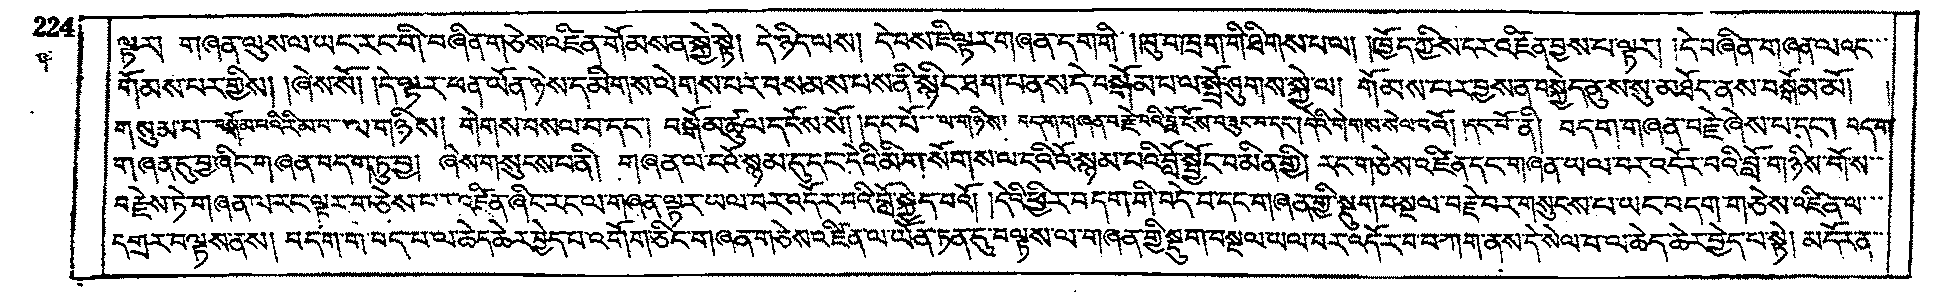ལྟར། གཞན་ལུས་ལ་ཡང་རང་གི་བཞིན་གཅེས་འཛིན་གོམས་ན་སྐྱེ་སྟེ། དེ་ཉིད་ལས། དེ་བས་ཇི་ལྟར་གཞན་དག་གི །ཁུ་བ་ཁྲག་གི་ཐིགས་པ་ལ། །ཁྱོད་ཀྱིས་ངར་འཛིན་བྱས་པ་ལྟར། །དེ་བཞིན་གཞན་ལའང་
གོམས་པར་གྱིས། །ཞེས་སོ། །དེ་ལྟར་ཕན་ཡོན་ཉེས་དམིགས་ལེགས་པར་བསམ་པས་ནི་སྙིང་ཐག་པ་ནས་དེ་བསྒོམ་པ་ལ་སྤྲོ་ཤུགས་སྐྱེ་ལ། གོམས་པར་བྱས་ན་བསྐྱེད་ནུས་སུ་མཐོང་ནས་བསྒོམ་མོ། །
གསུམ་པབསྒོམ་པའི་རིམ་པ་ལ་གཉིས། གེགས་བསལ་བ་དང་། བསྒོམ་ཚུལ་དངོས་སོ། །དང་པོལ་གཉིས། བདག་གཞན་བརྗེ་བའི་བློ་ངོས་བཟུང་བ་དང་། དེའི་གེགས་སེལ་བའོ། །དང་པོ་ནི། བདག་གཞན་བརྗེ་ཞེས་པ་དང་། བདག་
གཞན་དུ་བྱ་ཞིང་གཞན་བདག་ཏུ་བྱ། ཞེས་གསུངས་པ་ནི། གཞན་ལ་ངའོ་སྙམ་དུ་དང་དེའི་མིག་སོགས་ལ་ངའོ་སྙམ་པའི་བློ་སྦྱོང་བ་མིན་གྱི། རང་གཅེས་འཛིན་དང་གཞན་ཡལ་བར་འདོར་བའི་བློ་གཉིས་གོ་ས་
བརྗེས་ཏེ་གཞན་ལ་རང་ལྟར་གཅེས་པར་འཛིན་ཞིང་རང་ལ་གཞན་ལྟར་ཡལ་བར་འདོར་བའི་བློ་སྐྱེད་པའོ། །དེའི་ཕྱིར་བདག་གི་བདེ་བ་དང་གཞན་གྱི་སྡུག་བསྔལ་བརྗེ་བར་གསུངས་པ་ཡང་བདག་གཅེས་འཛིན་ལ་
དགྲར་བལྟས་ནས། བདག་གི་བདེ་བ་ལ་ཆེད་ཆེར་བྱེད་པ་འགོག་ཅིང་གཞན་གཅེས་འཛིན་ལ་ཡོན་ཏན་དུ་བལྟས་ལ་གཞན་གྱི་སྡུག་བསྔལ་ཡལ་བར་འདོར་བ་བཀག་ནས་དེ་སེལ་བ་ལ་ཆེད་ཆེར་བྱེད་པ་སྟེ། མདོར་ན་